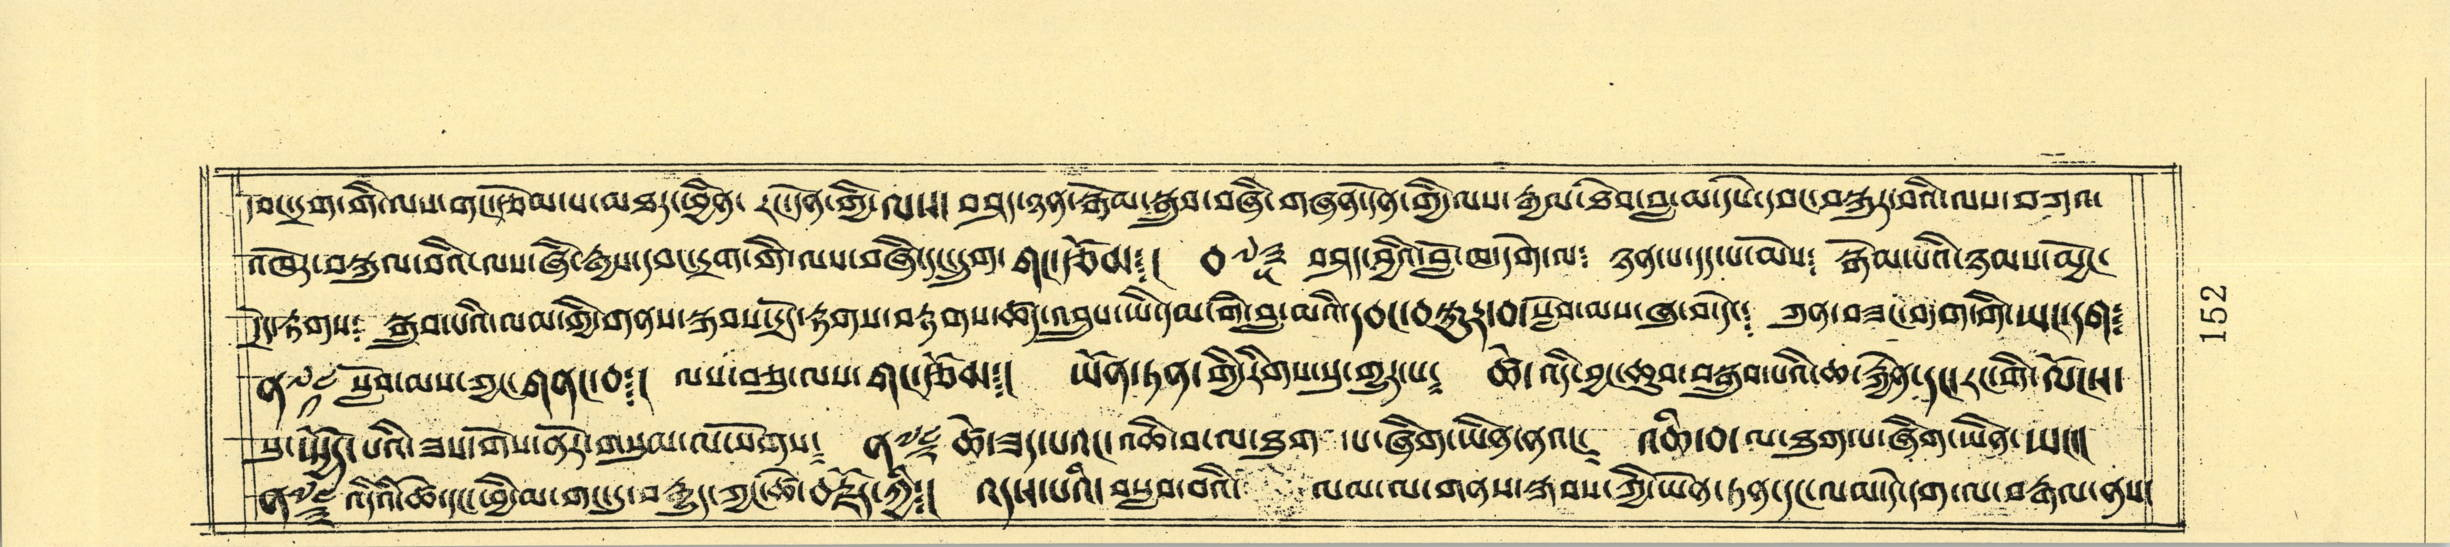དབང་དྲག་གི་ལས་གང་རྩོམ་པ་མཐར་ཕྱིན། རང་དོན་གྱི་ལས་བཤད་ཉན་སྒོམ་སྒྲུབ་བཞི་གཞན་དོན་གྱི་ལས་རྒྱལ་ཐེབས་བླ་མ་དེས་དབང་བསྐུར་བའི་ལས་བཀའ་
འཁོར་བསྐུལ་བའི་ལས་ཞི་རྒྱས་དབང་དྲག་གི་ལས་བཞི་དང་དྲུག་གང་རྩོམ་ བ༧༣།༥བཤད་བྱའི་བློ་ཁ་དགེ་ལ། ཉན་པ་དད་པ་མོས། སྒོམ་པོའི་ཉམས་མྱོང་
དྲོད་རྟགས། སྒྲུབ་པའི་ལམ་གྱི་གནས་སྐབས་དྲོད་རྟགས་རྟགས་ཚད་འབྲས་བུ་ཡི་དམ་གྱི་བླ་མའི་དབང་བསྐུར་བ་སློབ་མས་ཞུ་བ་དེ། ཀུན་བཟང་བདག་གི་ཡང་དག་
ན༧༤།༡སློབ་མས་ཀྱང་གནང་བ། ལས་བཅུ་ལས་གང་རྩོམ་ ཡོན་ཏན་གྱི་རིགས་སུ་གྱུར་པ་ ཚེ་འདི་བྱང་ཆུབ་བསྒྲུབ་པའི་ཆ་རྐྱེན་དང་རང་གི་ལོངས་
སུ་སྤྱོད་པའི་ཟས་གོས་ནོར་གསུམ་ལ་སོགས་ ན༧༤།༢ཚེ་ཟད་པའང་འཆི་བ་ལ་ཐུག་པ་ཞིག་ཡིན་ན་ཡང་ 
ན༧༤།༣ འདིའི་ཚེ་དང་ཕྱི་མ་གང་དུ་བརྒྱུད་ཀྱང་ཚེ་བརྗོད་ཀྱི་ འདས་པའི་བསླབ་པའི་ལམ་ལ་གནས་སྐབས་ཀྱི་ཡོན་ཏན་དང་ལམ་དེ་དག་ལ་བརྒལ་ནས་